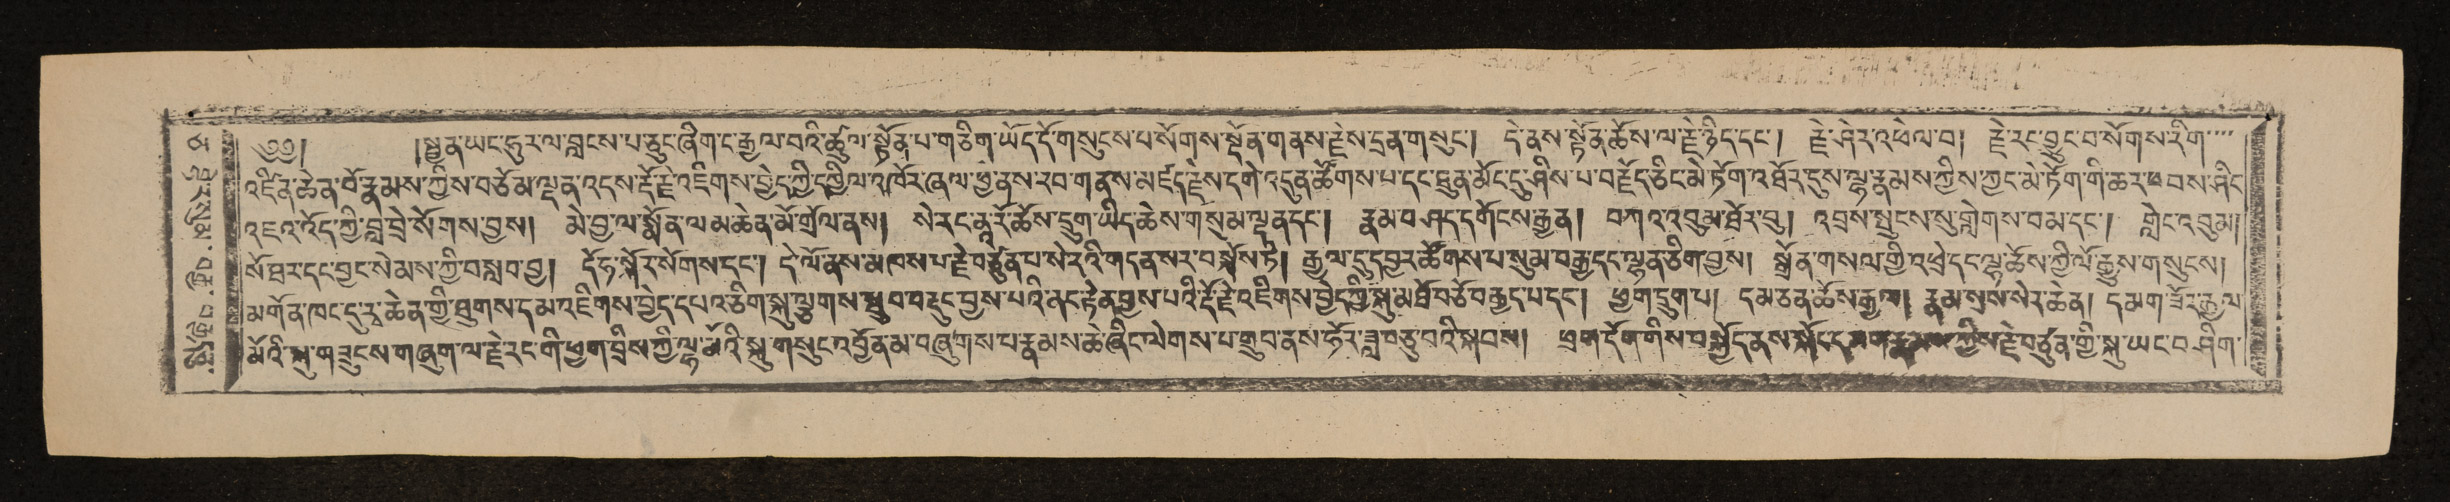༄༅། །སྤྱན་ཡང་ཧུར་ལ་བླངས་པ་ཅུང་ཞིག་ང་རྒྱལ་བའི་ཚུལ་སྟོན་པ་གཅིག་ཡོད་དོ་གསུངས་པ་སོགས་སྔོན་གནས་རྗེས་དྲན་གསུང་། དེ་ནས་སྟོན་ཆོས་ལ་རྗེ་ཉིད་དང་། རྗེ་ཤེར་འཕེལ་བ། རྗེ་རང་བྱུང་བ་སོགས་རིག་
འཛིན་ཆེན་པོ་རྣམས་ཀྱིས་བཅོམ་ལྡན་འདས་རྡོ་རྗེ་འཇིགས་བྱེད་ཀྱི་དཀྱིལ་འཁོར་ཞལ་ཕྱེ་ནས་རབ་གནས་མཛད་རྗེས་དགེ་འདུན་ཚོགས་པ་དང་ཐུན་མོང་དུ་ཤིས་པ་བརྗོད་ཅིང་མེ་ཏོག་འཐོར་དུས་ལྷ་རྣམས་ཀྱིས་ཀྱང་མེ་ཏོག་གི་ཆར་ཕབས་ཤིང་
འཇའ་འོད་ཀྱི་བླ་བྲེ་སོགས་བྱས། མེ་བྱ་ལ་སྨོན་ལམ་ཆེན་མོ་གྲོལ་ནས། སེ་རར་ནཱ་རོ་ཆོས་དྲུག་ཡིད་ཆེས་གསུམ་ལྡན་དང་། རྣམ་བཤད་དགོངས་རྒྱན། བཀའ་འབུམ་ཐོར་བུ། འབྲས་སྤུངས་སུ་གླེགས་བམ་དང་། གླེང་འབུམ།
སོ་ཐར་དང་བྱང་སེམས་ཀྱི་བསླབ་བྱ། དོ་ཧ་སྐོར་སོགས་དང་། དེ་ལོ་ནས་མཁས་པ་རྗེ་བཙུན་པ་སེ་རའི་གདན་སར་བསྐོས་ཏེ། རྒྱལ་དུ་དབྱར་ཚོགས་པ་སུམ་བརྒྱ་དང་ལྷན་ཅིག་བྱས། སྒྲོན་གསལ་གྱི་འཕྲེ་དང་ལྷ་ཆོས་ཀྱི་ལོ་རྒྱུས་གསུངས།
མགོན་ཁང་དུ་རྭ་ཆེན་གྱི་ཐུགས་དམ་འཇིགས་བྱེད་དཔའ་ཅིག་སྐུ་ལྕགས་སྦྲུབ་བརྡུང་བྱས་པའི་ནང་རྟེན་བྱས་པའི་རྡོ་རྗེ་འཇིགས་བྱེད་ཀྱི་སྐུ་མཐོ་བཅོ་བརྒྱད་པ་དང་། ཕྱག་དྲུག་པ། དམ་ཅན་ཆོས་རྒྱལ། རྣམ་སྲས་སེར་ཆེན། དམག་ཟོར་རྒྱལ་
མོའི་སྐུ་གཟུངས་གཞུག་ལ་རྗེ་རང་གི་ཕྱག་བྲིས་ཀྱི་ལྷ་མོའི་སྐུ་གསུང་འབྱོན་མ་བཞུགས་པ་རྣམས་ཆེ་ཞིང་ལེགས་པ་གྲུབ་ནས་ཧོར་ཟླ་བཅུ་པའི་སྐབས། ཕྲག་དོག་གིས་བསྐྱོད་ནས་སྐོང་དཔག་རྣམས་ཀྱིས་རྗེ་བཙུན་གྱི་སྐུ་ཡང་བཤིག་